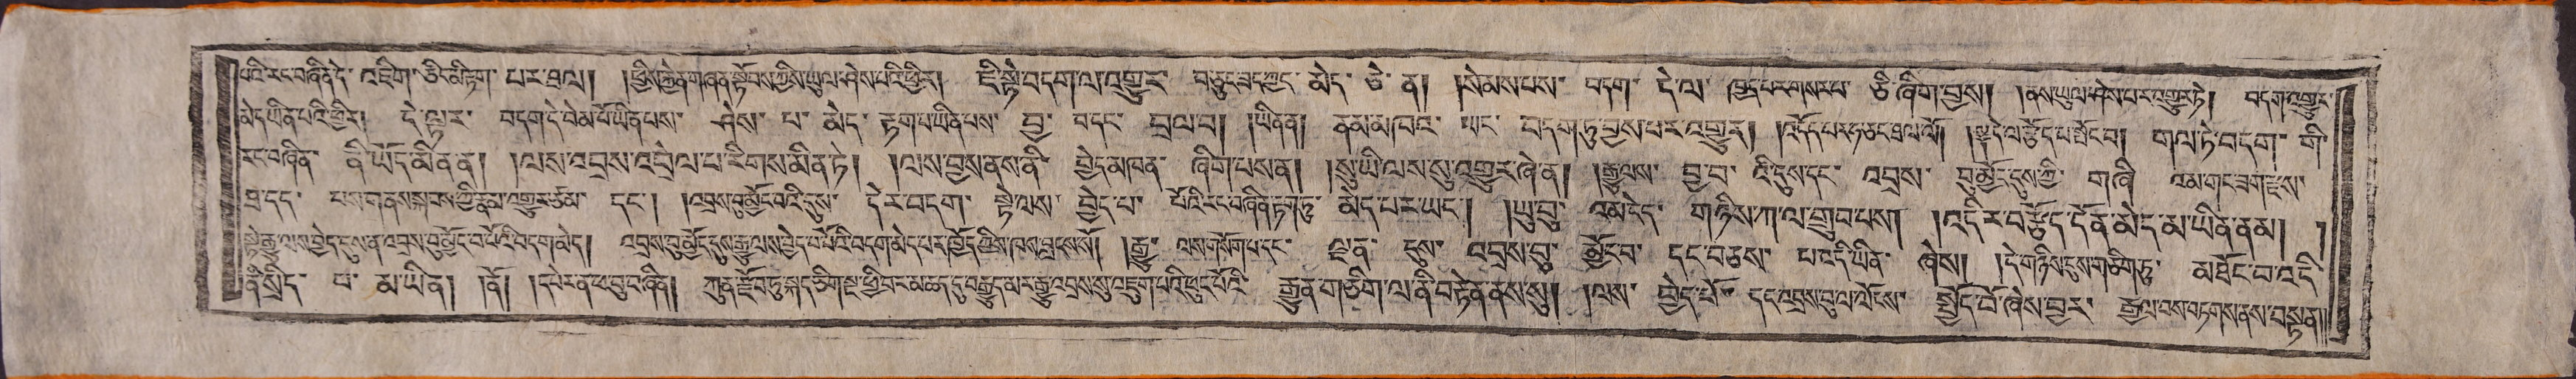པའི་རང་བཞིན་དེ་འཇིག་ཅིང་མི་རྟག་པར་ཐལ། །ཕྱིས་རྐྱེན་གཞན་སྟོབས་ཀྱིས་ཡུལ་ཤེས་པའི་ཕྱིར།  ཇི་སྟེ་བདག་ལ་འགྱུར་བ་ཅུང་ཟད་ཀྱང་མེད་ཅེ་ན། །སེམས་པས་བདག་དེ་ལ་ཁྱད་པར་གསར་པ་ཅི་ཞིག་བྱས། །ནས་ཡུལ་ཤེས་པར་འགྱུར་ཏེ། བདག་འགྱུར་
མེད་ཡིན་པའི་ཕྱིར། དེ་ལྟར་བདག་དེ་བེམ་པོ་ཡིན་པས་ཤེས་པ་མེད་རྟག་པ་ཡིན་པས་བྱ་བ་དང་བྲལ་བ། །ཡིན་ན། ནམ་མཁའ་ཡང་བདག་ཏུ་བྱས་པར་འགྱུར། །འདོད་པར་ཧ་ཅང་ཐལ་ལོ། །༈དེ་ལ་རྩོད་པ་སྤོང་བ།  གལ་ཏེ་བདག་གི་
རང་བཞིན་ནི་ཡོད་མིན་ན། །ལས་འབྲས་འབྲེལ་བ་རིགས་མིན་ཏེ། །ལས་བྱས་ནས་ནི་བྱེད་མཁན་ཞིག་པས་ན། །སུ་ཡི་ལས་སུ་འགྱུར་ཞེ་ན། །རྒྱུ་ལས་བྱ་བའི་དུས་དང་འབྲས་བུ་མྱོང་དུས་ཀྱི་གཞི་འམ་གང་ཟག་རྫས་
ཐ་དད་པས་གནས་སྐབས་ཀྱི་རྣམ་འགྱུར་ཙམ་དང་། །འབྲས་བུ་མྱོང་བའི་དུས་དེར་བདག་སྟེ་ལས་བྱེད་པ་པོའི་རང་བཞིན་རྟག་ཏུ་མེད་པར་ཡང་། །ཡུ་བུ་འམ་ངེད་གཉིས་ཀ་ལ་གྲུབ་པས། །འདིར་བརྩོད་དོན་མེད་མ་ཡིན་ནམ། །
སྟེ་རྒྱུ་ལས་བྱེད་དུས་ན་འབྲས་བུ་མྱོང་བ་པོའི་བདག་མེད། འབྲས་བུ་མྱོང་དུས་རྒྱུ་ལས་བྱེད་པ་པོའི་བདག་མེད་པར་ཁྱོད་ཀྱིས་ཁས་བླངས་སོ། །རྒྱུ་ལས་གསོག་པ་དང་ལྡན་དུས་འབྲས་བུ་མྱོང་བ་དང་བཅས་པ་འདི་ཡིན་ཞེས། །དེ་གཉིས་དུས་གཅིག་ཏུ། མཐོང་བ་འདི་
ནི་སྲིད་པ་མ་ཡིན། །ནོ། །དཔེར་ན་ཕ་བུ་བཞིན། ཀུན་རྫོབ་ཏུ་སྐད་ཅིག་སྔ་ཕྱི་བར་མ་ཆད་དུ་བརྒྱུད་མར་རྒྱུ་འབྲས་སུ་འཇུག་པའི་ཕུང་པོའི་རྒྱུན་གཅིག་ལ་ནི་བརྟེན་ནས་སུ། །ལས་བྱེད་པོ་དང་འབྲས་བུ་ལ་ལོངས་སྤྱོད་པོ་ཞེས་བྱར་རྒྱལ་བས་བཏགས་ནས་བསྟན།།